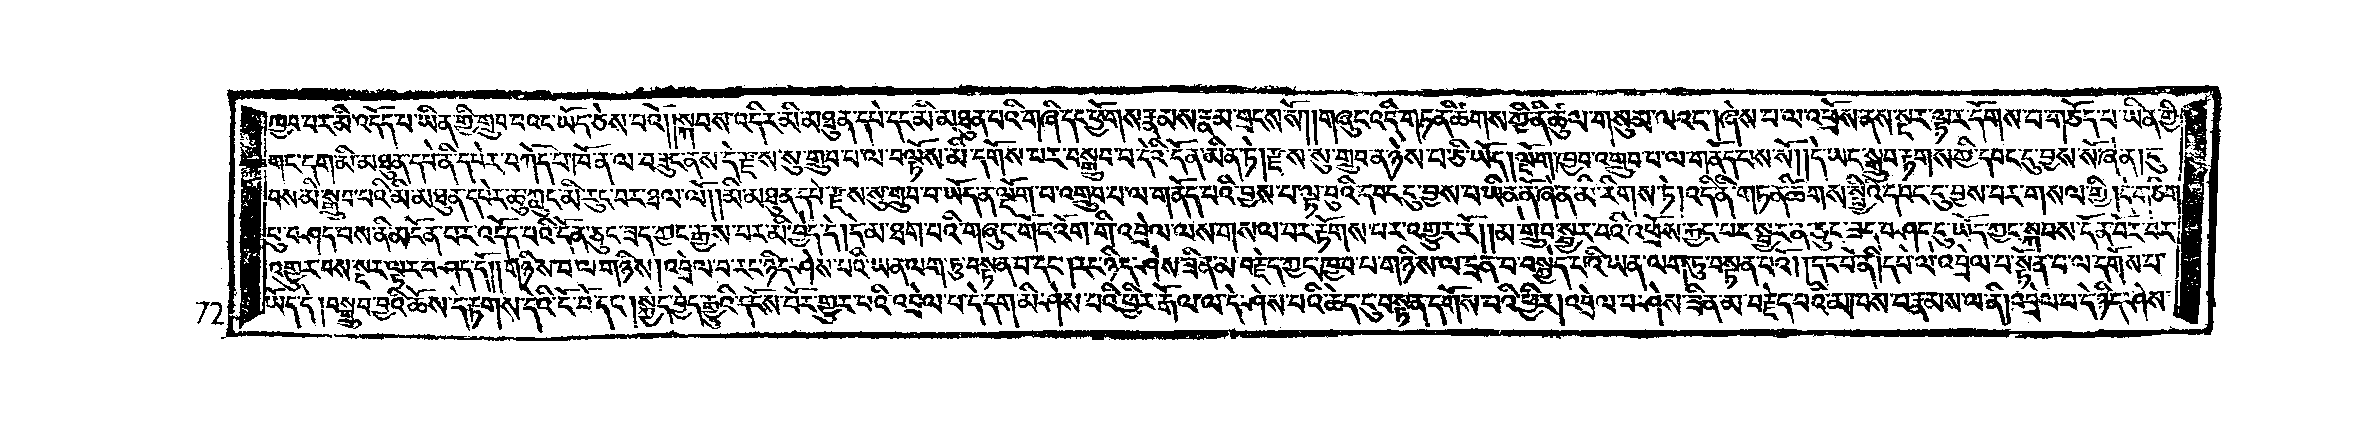ཁྱབ་པར་མི་འདོད་པ་ཡིན་གྱི་གྲུབ་པའང་ཡོད་ཅེས་པའོ། །སྐབས་འདིར་མི་མཐུན་དཔེ་དང་མི་མཐུན་པའི་གཞི་དང་ཕྱོགས་རྣམས་རྣམ་གྲངས་སོ། །གཞུང་འདི་གཏན་ཚིགས་ཀྱི་ནི་ཚུལ་གསུམ་ལའང་། ཞེས་པ་ལ་འཕྲོས་ནས་སྔར་ལྟར་དོགས་པ་གཅོད་པ་ཡིན་གྱི་
གང་དག་མི་མཐུན་དཔེ་ནི་དཔེར་བཀོད་པ་ཁོ་ན་ལ་བཟུང་ནས་དེ་རྫས་སུ་གྲུབ་པ་ལ་བལྟོས་མི་དགོས་པར་བསྒྲུབ་པ་དེའི་དོན་མིན་ཏེ། རྫས་སུ་གྲུབ་ན་ཉེས་པ་ཅི་ཡོད། ལྡོག་ཁྱབ་འགྲུབ་པ་ལ་གནོད་པས་སོ། །དེ་ཡང་སྒྲུབ་རྟགས་ཀྱི་དབང་དུ་བྱས་སོ་ཞེ་ན། དུ་
བས་མེ་སྒྲུབ་པའི་མི་མཐུན་དཔེར་ཆུ་ཀླུང་མི་རུང་བར་ཐལ་ལོ། །མི་མཐུན་དཔེ་རྫས་སུ་གྲུབ་པ་ཡོད་ན་ལྡོག་པ་འགྲུབ་པ་ལ་གནོད་པའི་བྱས་པ་ལྟ་བུའི་དབང་དུ་བྱས་པ་ཡིན་ནོ་ཞེ་ན་མི་རིགས་ཏེ། འདི་ནི་གཏན་ཚིགས་སྤྱིའི་དབང་དུ་བྱས་པར་གསལ་གྱི། དེ་གཅིག་
བུ་བཤད་པས་ནི་མངོན་པར་འདོད་པའི་དོན་ཅུང་ཟད་ཀྱང་རྒྱས་པར་མི་བྱེད་དེ། དེ་མ་ཐག་པའི་གཞུང་གོང་འོག་གི་འབྲེལ་ལས་གསལ་བར་རྟོགས་པར་འགྱུར་རོ། །མ་གྲུབ་སྦྱར་བའི་འཕྲོས་རྐྱང་པར་སྦྱར་ན་ཅུང་ཟད་བཤད་དུ་ཡོད་ཀྱང་སྐབས་དོན་བོར་བར་
འགྱུར་བས་སྔར་ལྟར་བཤད་དོ། །གཉིས་པ་ལ་གཉིས། འབྲེལ་བ་རང་ཉིད་ཤེས་པའི་ཡན་ལག་ཏུ་བསྟན་པ་དང་། རང་ཉིད་ཤེས་ཟིན་མ་བརྗེད་ཀྱང་ཁྱབ་པ་གཉིས་ལ་དྲན་པ་བསྐྱེད་པའི་ཡན་ལག་ཏུ་བསྟན་པའོ། །དང་པོ་ནི། དཔེ་ལ་འབྲེལ་པ་སྟོན་པ་ལ་དགོས་པ་
ཡོད་དོ། བསྒྲུབ་བྱའི་ཆོས་དེ་རྟགས་དེའི་ངོ་བོ་དང་། སྐྱེད་བྱེད་རྒྱུའི་དངོས་པོར་གྱུར་པའི་འབྲེལ་པ་དེ་དག་མི་ཤེས་པའི་ཕྱིར་རྒོལ་ལ་དེ་ཤེས་པའི་ཆེད་དུ་བསྟན་དགོས་པའི་ཕྱིར། འབྲེལ་བ་ཤེས་ཟིན་མ་བརྗེད་པའི་མཁས་པ་རྣམས་ལ་ནི། འབྲེལ་པ་དེ་ཉིད་ཤེས་